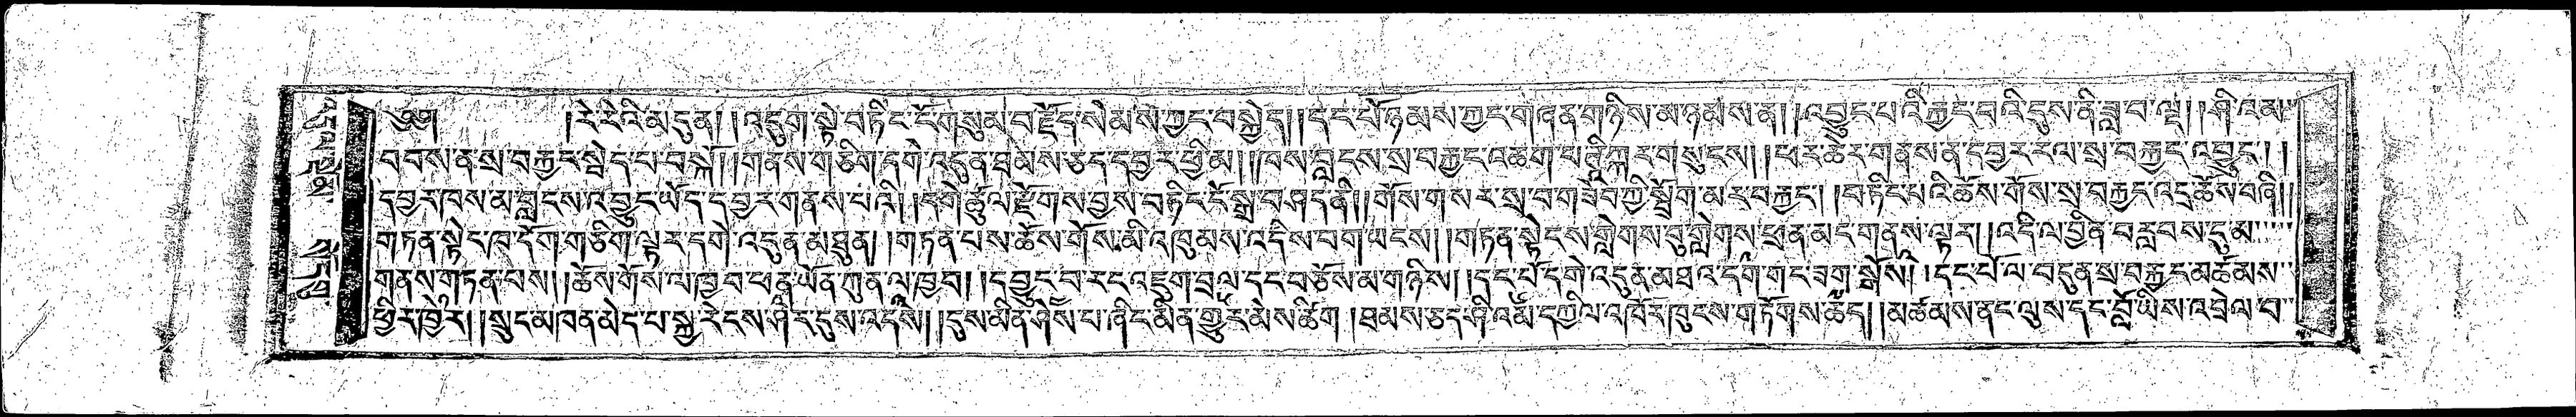༄༅། །རེ་རེའི་མདུན། །འདུག་སྟེ་བཏིང་ངོ་གསུམ་བརྗོད་སེམས་ཀྱང་བསྐྱེད། །དང་པོ་ཉམས་ཀྱང་གཞན་གཉིས་མ་ཉམས་ན། །འབྱུང་པའི་རྐྱང་བའི་དུས་ནི་ཟླ་བ་ལྔ། །ཤི་འམ་
བབས་ན་སྲ་བརྐྱང་སྦེད་པ་བསྐོ། །གནས་གཅིག་དགེ་འདུན་ཐམས་ཅད་དབྱར་ཕྱི་མ། །ཁས་བླངས་སྲ་བརྐྱང་འཆག་པ་ཊཱིཀྐར་གསུངས། །ཕར་ཆེར་གནས་ན་དབྱར་རལ་སྲ་བརྐྱང་འབྱུང་། །
དབྱར་ཁས་མ་བླངས་འབྱུང་ཡོད་དབྱར་གནས་པའི། །དགེ་ཚུལ་རྫོགས་བྱས་བཏིང་ངོ་སྒྲ་བཤད་ནི། །གོས་གསར་སྲ་བ་གཟེབ་ཀྱི་སྦྲོག་མར་བརྐྱང་། །བཏིང་པའི་ཆོས་གོས་སྲ་བརྐྱང་འདྲ་ཆོས་བཞི། །
གཏན་སྟེང་ཁ་དོག་གཅིག་ལྟར་དགེ་འདུན་མཐུན། །གཏན་པས་ཆོས་གོས་མི་འཁུམས་འདིས་བག་ཡངས། །གཏན་སྟེངས་གླེགས་བུ་གླེགས་ཕྲན་མང་གནས་ལྟར། །འདི་ལ་བྱིན་བརླབས་དུ་མ་
གནས་གཏན་པས། །ཆོས་གོས་ལ་ཁྱབ་ཕན་ཡོན་ཀུན་ལ་ཁྱབ། །དབྱུང་བ་རང་འཇུག་བྲལ་དང་བཅོས་མ་གཉིས། །དང་པོ་དགེ་འདུན་མཐའ་དག ༡་གང་ཟག་སྒོས ༢། །དང་པོ་ལ་བདུན་སྲ་བརྐྱང་མཚམས་
ཕྱིར་ཁྱེར ༡་། །སྲུང་མཁན་མེད་པ་སྐྱ་རེངས་ཤར ༢་དུས་འདས ༣་། །དུས་མིན་ཤེས ༤་པ་ཞིང་མིན་གྱུར ༥་མེས་ཚིག །ཐམས་ཅད་ཤི་འམ ༦་དཀྱིལ་འཁོར་ཁུངས་གཏོགས་ཆད ༧་། །མཚམས་ནང་ལུས་དང་བློ་ཡིས་འབྲེལ་བ་